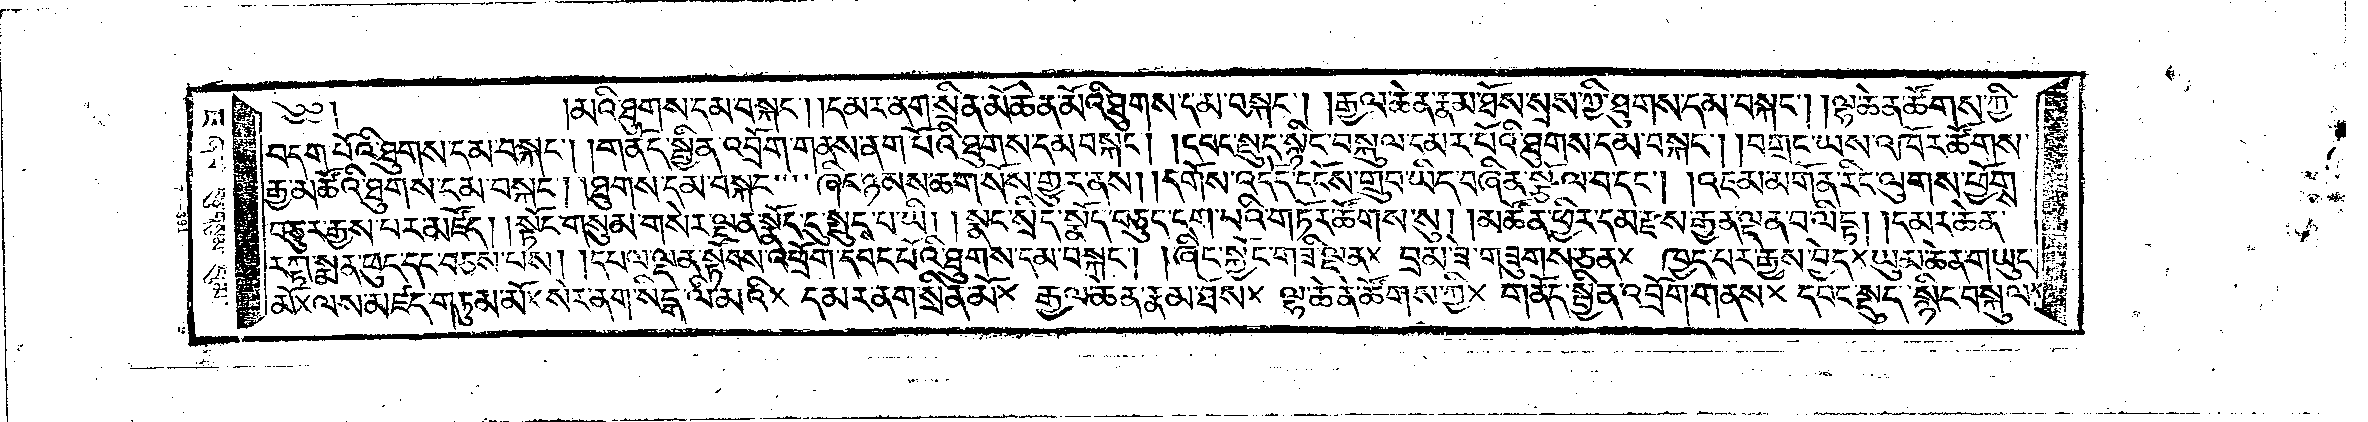༄༅། །མའི་ཐུགས་དམ་བསྐང་། །དམར་ནག་སྲིན་མོ་ཆེན་མོའི་ཐུགས་དམ་བསྐང་། །རྒྱལ་ཆེན་རྣམ་ཐོས་སྲས་ཀྱི་ཐུགས་དམ་བསྐང་། །ལྷ་ཆེན་ཚོགས་ཀྱི་
བདག་པོའི་ཐུགས་དམ་བསྐང་། །གནོད་སྦྱིན་འབྲོག་གནས་ནག་པོའི་ཐུགས་དམ་བསྐང་། །དབང་སྡུད་སྙིང་བསྐུལ་དམར་པོའི་ཐུགས་དམ་བསྐང་། །བགྲང་ཡས་འཁོར་ཚོགས་
རྒྱ་མཚོའི་ཐུགས་དམ་བསྐང་། །ཐུགས་དམ་བསྐང་ཞིང་ཉམས་ཆག་སོས་གྱུར་ནས། །དགོས་འདོད་དངོས་གྲུབ་ཡིད་བཞིན་སྩོལ་པ་དང་། །འཇམ་མགོན་རིང་ལུགས་ཕྱོགས་
བཅུར་རྒྱས་པར་མཛོད། །སྟོང་གསུམ་གསེར་ལྡན་སྣོད་དུ་སྤུངས་པ་ཡི། །སྣང་སྲིད་སྣོད་བཅུད་དག་པའི་གཏོར་ཚོགས་སུ། །མཚོན་ཕྱིར་དམ་རྫས་རྒྱན་ལྡན་པ་ལིངྟ། །དམར་ཆེན་
རཀྟ་སྨན་ཕུང་དང་བཅས་པས། །དཔལ་ལྡན་སྟོབས་འཕྲོག་དབང་པོའི་ཐུགས་དམ་བསྐང་། །ཞིང་སྐྱོང་གཟི་ལྡན་྾་བྲམ་ཟེ་གཟུགས་ཅན་྾་ཁྱད་པར་རྒྱས་བྱེད་྾་ཡུམ་ཆེན་གཡུང་
མོ་྾་ལས་མཛད་གཏུམ་མོ་྾་སེར་ནག་སིངྒ་ལི་མའི་྾་དམར་ནག་སྲིན་མོ་྾་རྒྱལ་ཆེན་རྣམ་ཐོས་྾་ལྷ་ཆེན་ཚོགས་ཀྱི་྾་གནོད་སྦྱིན་འབྲོག་གནས་྾་དབང་སྡུད་སྙིང་བསྐུལ་